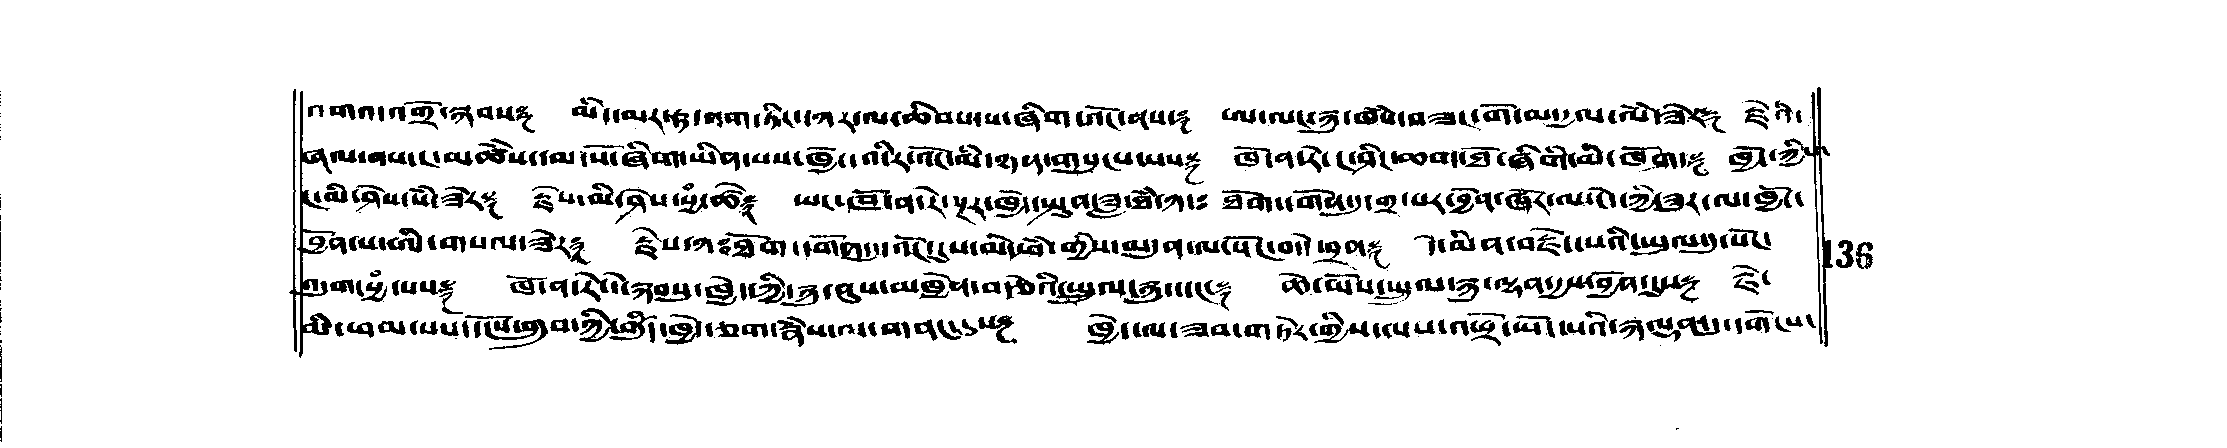འགའ་འགྲོ་སྐབས། མི་དམར་རྟ་ནག་རྟིང་དཀར་ལ་ཆིབས་པ་ཞིག་འོང་ནས། ཨ་ལགས་སྐུ་ཁམས་བཟང་འོ་མ་རྒྱལ་ལམ་ཟེར། རྗེའི་
ཞལ་ནས་ང་མཚམས་དམ་པོ་ཞིག་ཡིན་པས་ཁྱོད་འདིར་འོང་མི་ཉན་གསུངས་པས། ཁོ་ན་རེ་ང་ཤིང་ཆག་ཐོ་ཞིག་གི་མི་ཁོག ཁྱོད་ཀྱིས་
ང་མི་ཤེས་སམ་ཟེར།རྗེས་མི་ཤེས་གསུངས་ཚེ། ཡང་ཁོ་ན་རེ་སྔར་ཁྱོད་སྤུན་ཟླ་ཐམས་ཅད་ཀཿཐོག་དགོན་དུ་གྲྭ་པར་བྱོན་ཞོར་ལ་ངེད་ཀྱི་ཟུར་ལ་ཁྱོད་
བྱོན་པ་ཨི་གསལ་ཟེར། རྗེས་ཀཿཐོག་དགོན་དུ་འོང་དུས་མི་ཕམ་གྱིས་མདུན་ལ་སོང་བ་དེ་དྲན། དེ་མིན་བརྗེད་པའི་ཡུལ་དུ་སོང་
འདུག་གསུངས་པས། ཁོ་ན་རེ་དེ་སྐབས་སུ་ཁྱེད་ཀྱི་སྐུ་ནུས་མཁྱེན་བརྩེའི་སྤྲུལ་སྐུ་དང་། ཆེ་ཡོས་སྤྲུལ་སྐུ་ལྷན་རྒྱས་བྱོན་དུས། རྗེ་
མི་ཕམ་པས་དངོས་གྲུབ་ཀྱི་བདུད་རྩི་ཁྱོད་ཅག་རྣམས་ལ་གནང་དུས། ཁྱེད་ལ་ཟབ་གཏེར་གྱིས་ལས་འཕྲོ་ཡོད་པའི་སྐལ་ལྡན་དུ་དགོངས་